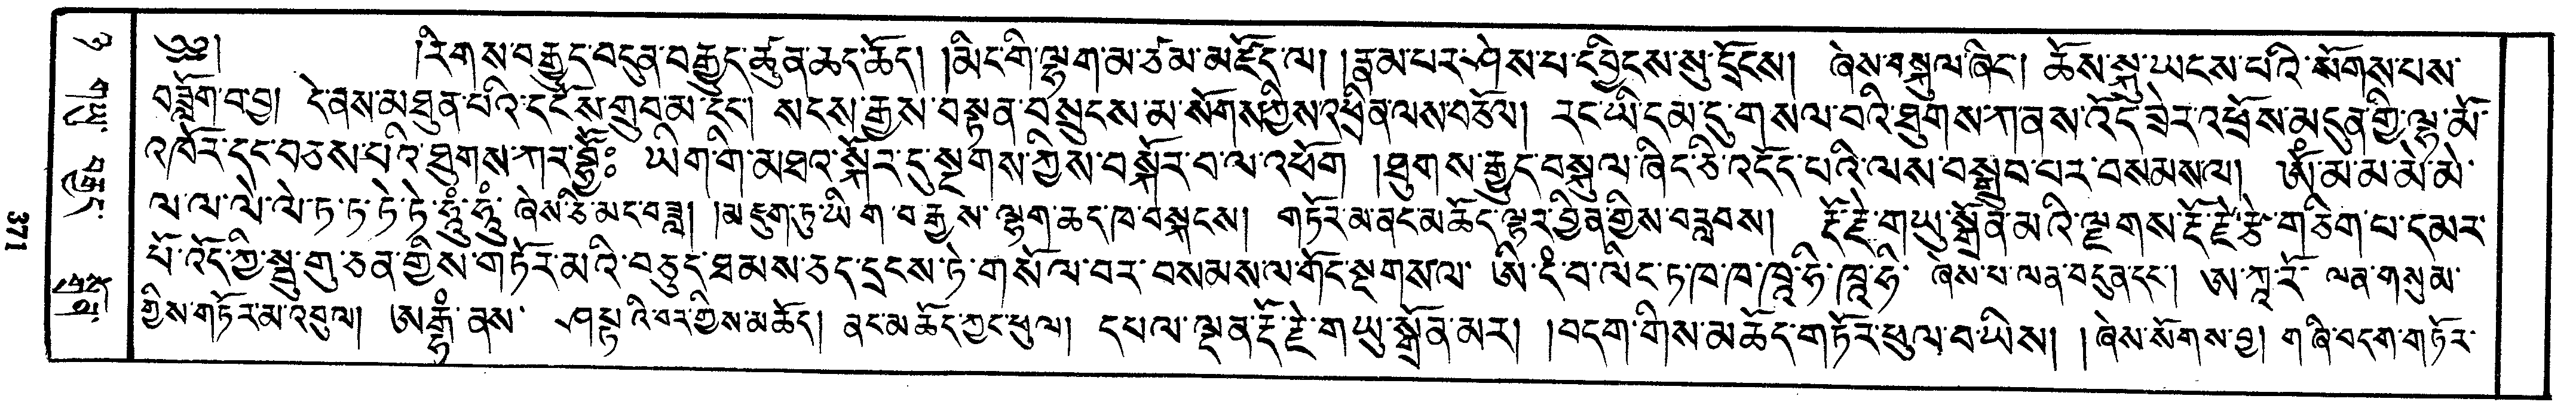༄༅། །རིགས་བརྒྱུད་བདུན་བརྒྱུད་ཚུན་ཆད་ཆོད། །མིང་གི་ལྷག་མ་ཙམ་མཛོད་ལ། །རྣམ་པར་ཤེས་པ་དབྱིངས་སུ་དྲོངས། ཞེས་བསྐུལ་ཞིང་། ཆོས་སྐུ་ཡངས་པའི་སོགས་པས་
བཟློག་བ་བྱ། དེ་ནས་མཐུན་པའི་དངོས་གྲུབ་མ་དང་། སངས་རྒྱས་བསྟན་བསྲུངས་མ་སོགས་ཀྱིས་འཕྲིན་ལས་བཅོལ། རང་ཡི་དམ་དུ་གསལ་བའི་ཐུགས་ཀ་ནས་འོད་ཟེར་འཕྲོས་མདུན་གྱི་ལྷ་མོ་
འཁོར་དང་བཅས་པའི་ཐུགས་ཀར་བྷྱཽཿ ཡིག་གི་མཐའ་སྐོར་དུ་སྔགས་ཀྱིས་བསྐོར་བ་ལ་འཕྱོག །ཐུགས་རྒྱུད་བསྐུལ་ཞིང་ཅི་འདོད་པའི་ལས་བསྒྲུབ་པར་བསམས་ལ། ཨོཾ་མ་མ་མེ་མེ་
ལ་ལ་ལེ་ལེ་ཏ་ཏ་ཏེ་ཏེ་ཧཱུཾ་ཧཱུཾ་ཞེས་ཅི་མང་བཟླ། མཇུག་ཏུ་ཡིག་བརྒྱས་ལྷག་ཆད་ཁ་བསྐངས། གཏོར་མ་ནང་མཆོད་ལྟར་བྱིན་གྱིས་བརླབས། རྡོ་རྗེ་གཡུ་སྒྲོན་མའི་ལྗགས་རྡོ་རྗེ་རྩེ་གཅིག་པ་དམར་
པོ་འོད་ཀྱི་སྦུ་གུ་ཅན་གྱིས་གཏོར་མའི་བཅུད་ཐམས་ཅད་དྲངས་ཏེ་གསོལ་བར་བསམས་ལ་གོང་སྔགས་ལ་ཨི་དཾ་བ་ལིང་ཏ་ཁ་ཁ་ཁཱ་ཧི་ཁཱ་ཧི་ཞེས་པ་ལན་བདུན་དང་། ཨ་ཀཱ་རོ་ལན་གསུམ་
གྱིས་གཏོར་མ་འབུལ། ཨརྒྷཾ་ནས་ཤབྷའི་བར་གྱིས་མཆོད། ནང་མཆོད་ཀྱང་ཕུལ། དཔལ་ལྡན་རྡོ་རྗེ་གཡུ་སྒྲོན་མར། །བདག་གིས་མཆོད་གཏོར་ཕུལ་བ་ཡིས། །ཞེས་སོགས་བྱ། གཞི་བདག་གཏོར་